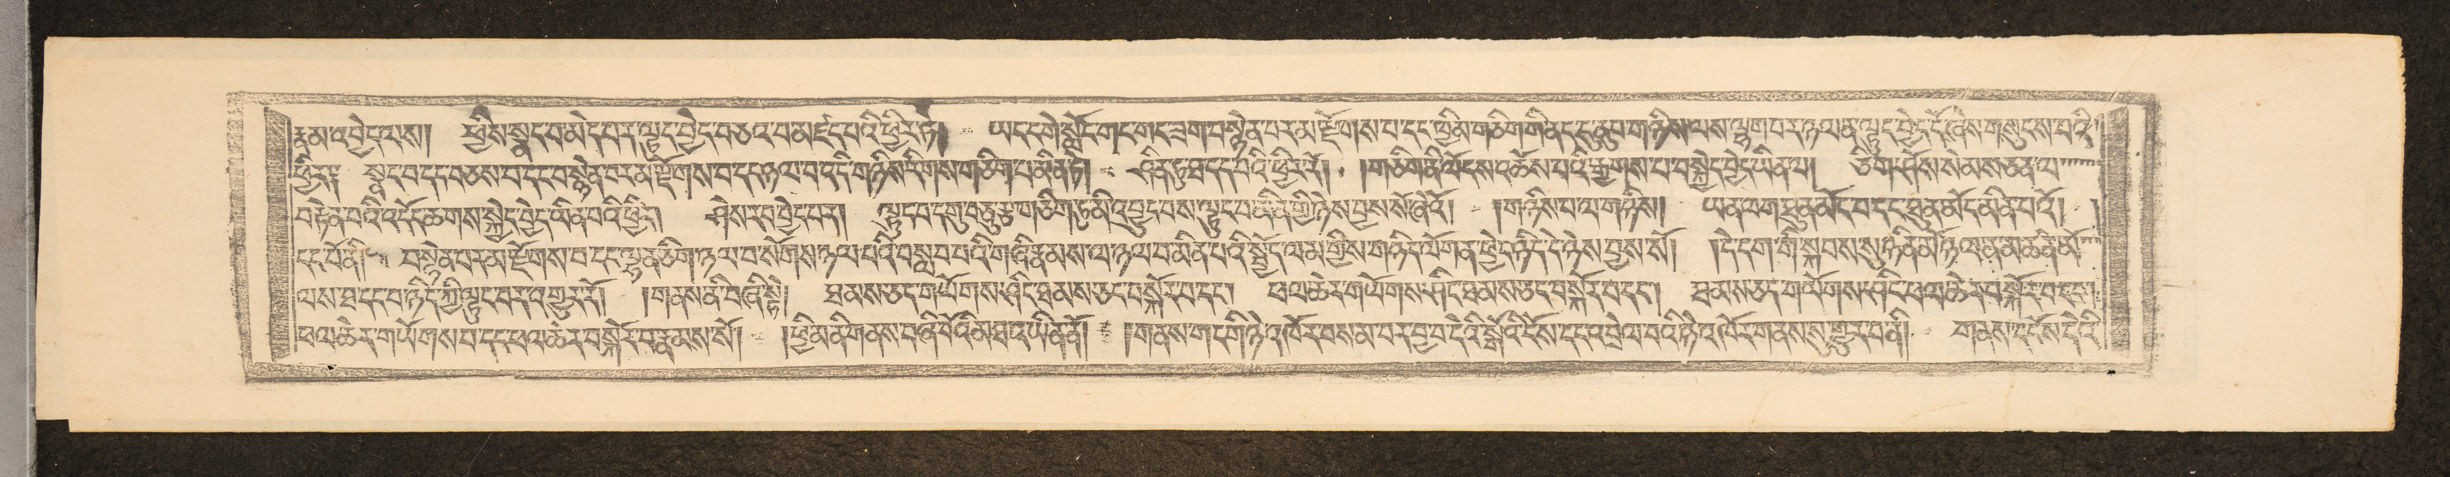རྣམ་འབྱེད་ལས། ཕྱིས་སྣང་བ་མེད་པར་ལྟུང་བྱེད་བཅའ་བ་མཛད་པའི་ཕྱིར་ཏེ། ཡང་དགེ་སློང་གང་གང་ཟག་བསྙེན་པར་མ་རྫོགས་པ་དང་ཁྱིམ་གཅིག་གི་ནང་དུ་ནུབ་གཉིས་ལས་ལྷག་པར་ཉལ་ན་ལྟུང་བྱེད་དོ་ཞེས་གསུངས་པའི་
ཕྱིར༑ སྣང་བ་དང་བཅས་པ་དང་བསྙེན་པར་མ་རྫོགས་པ་དང་ཉལ་བ་འདི་གཉིས་རིགས་གཅིག་པ་མིན་ཏེ། ཤིན་ཏུ་ཐ་དད་པའི་ཕྱིར་རོ། །གཅིག་ནི་ལོངས་འཆོས་པའི་རྒྱགས་པ་བསྐྱེད་བྱེད་ཡིན་ལ། ཅིག་ཤོས་སེམས་ཅན་ལ་
བརྟེན་པའི་འདོད་ཆགས་སྐྱེད་བྱེད་ཡིན་པའི་ཕྱིར། ཤེས་རབ་བྱེད་པར། ལྟུང་བ་དགུ་བཅུ་རྩ་གཅིག་ཏུ་མི་འབྱུང་བས་ལྟུང་བ་མིན་གྱི་ཉེས་བྱས་སོ་ཞེའོ། །གཉིས་པ་ལ་གཉིས། ཡན་ལག་ཐུན་མོང་བ་དང་ཐུན་མོང་མིན་པའོ། །
དང་པོ་ནི། བསྙེན་པར་མ་རྫོགས་པ་དང་ལྷན་ཅིག་ཉལ་བ་སོགས་ཉལ་བའི་བསླབ་པའི་གཞི་རྣམས་ལ་ཉལ་བ་མིན་པའི་སྤྱོད་ལམ་གྱིས་གཉིད་ལོག་ན་ཕྱེད་ཉིད་དེ་ཉེས་བྱས་སོ། །དེ་དག་གི་སྐབས་སུ་ཉིན་མོ་ཉལ་ན་མཚན་མོ་
ལས་ཐ་དད་པ་ཉིད་ཀྱི་ལྟུང་བར་འགྱུར་རོ། །གནས་ནི་བཞི་སྟེ། ཐམས་ཅད་གཡོགས་ཤིང་ཐམས་ཅད་བསྐོར་བ་དང་། ཕལ་ཆེར་གཡོགས་ཤིང་ཐམས་ཅད་བསྐོར་བ་དང་། ཐམས་ཅད་གཡོགས་ཤིང་ཕལ་ཆེར་བསྐོར་བ་དང་།
ཕལ་ཆེར་གཡོགས་པ་དང་ཕལ་ཆེར་བསྐོར་བ་རྣམས་སོ། །ཕྱིམ་ནི་གནས་བཞི་པོའི་མཐའ་ཡིན་ནོ། །གནས་གང་གི་ཉེ་འཁོར་བསམ་པར་བྱ་བ་དེའི་སྒོའི་ངོས་དང་འབྲེལ་བའི་ཉེ་འཁོར་གནས་སུ་གྱུར་བ་ནི། གནས་དངོས་དེའི་